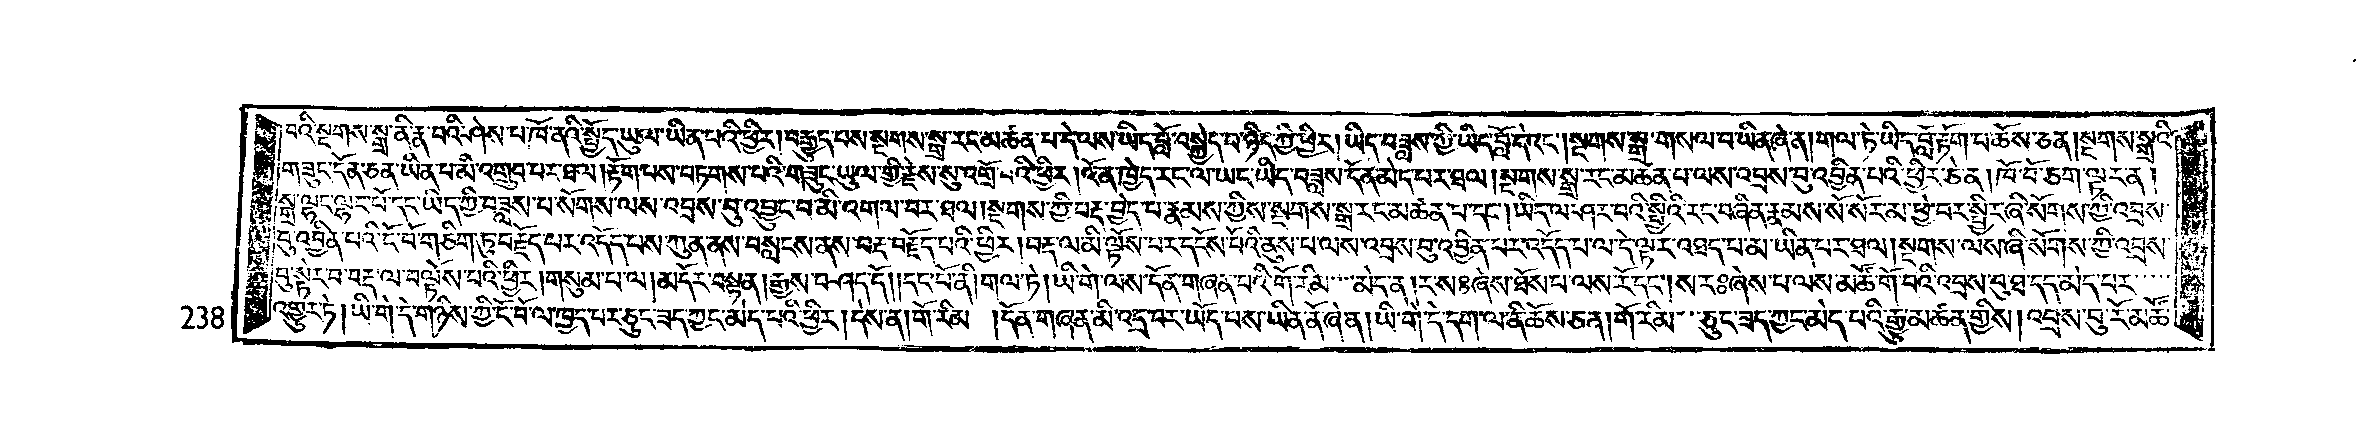བའི་སྔགས་སྒྲ་ནི་རྣ་བའི་ཤེས་པ་ཁོ་ནའི་སྤྱོད་ཡུལ་ཡིན་པའི་ཕྱིར། བརྒྱུད་པས་སྔགས་སྒྲ་རང་མཚན་པ་དེ་ལས་ཡིད་བློ་བསྐྱེད་པ་ཉིད་ཀྱི་ཕྱིར། ཡིད་བཟླས་ཀྱི་ཡིད་བློ་དེའང་། སྔགས་སྒྲ་གསལ་བ་ཡིན་ཞེ་ན། གལ་ཏེ་ཡིད་བློ་རྟོག་པ་ཆོས་ཅན། སྔགས་སྒྲའི་
གཟུང་དོན་ཅན་ཡིན་པ་མི་འགྲུབ་པར་ཐལ། རྟོག་པས་བཏགས་པའི་གཟུང་ཡུལ་གྱི་རྗེས་སུ་འགྲོ་བའི་ཕྱིར། འོ་ན་ཁྱེད་རང་ལ་ཡང་ཡིད་བཟླས་དོན་མེད་པར་ཐལ། སྔགས་སྒྲ་རང་མཚན་པ་ལས་འབྲས་བུ་འབྱིན་པའི་ཕྱིར་ཅེ་ན། ཁོ་བོ་ཅག་ལྟར་ན།
སྒྲ་ལྷང་ལྷང་པོ་དང་ཡིད་ཀྱི་བཟླས་པ་སོགས་ལས་འབྲས་བུ་འབྱུང་བ་མི་འགལ་བར་ཐལ། སྔགས་ཀྱི་བརྡ་བྱེད་པ་རྣམས་ཀྱིས་སྔགས་སྒྲ་རང་མཚན་པ་དང་། ཡིད་ལ་ཤར་བའི་སྤྱིའི་རང་བཞིན་རྣམས་སོ་སོར་མ་ཕྱེ་བར་སྤྱིར་ཞི་སོགས་ཀྱི་འབྲས་
བུ་འབྱིན་པའི་ངོ་བོ་གཅིག་ཏུ་བརྗོད་པར་འདོད་པས་ཀུན་ནས་བསླངས་ནས་བརྡ་བརྗོད་པའི་ཕྱིར། བརྡ་ལ་མི་ལྟོས་པར་དངོས་པོའི་ནུས་པ་ལས་འབྲས་བུ་འབྱིན་པར་འདོད་པ་ལ་དེ་ལྟར་འཐད་པ་མ་ཡིན་པར་ཐལ། སྔགས་ལས་ཞི་སོགས་ཀྱི་འབྲས་
བུ་སྟེར་བ་བརྡ་ལ་བལྟོས་པའི་ཕྱིར། གསུམ་པ་ལ། མདོར་བསྟན། རྒྱས་བཤད་དོ། །དང་པོ་ནི། གལ་ཏེ། ཡི་གེ་ལས་དོན་གཞན་པའི་གོ་རིམ་མེད་ན། ར་སཿ ཞེས་ཐོས་པ་ལས་རོ་དང་། ས་རཿ ཞེས་པ་ལས་མཚོ་གོ་བའི་འབྲས་བུ་ཐ་དད་མེད་པར་
འགྱུར་ཏེ། ཡི་གེ་དེ་གཉིས་ཀྱི་ངོ་བོ་ལ་ཁྱད་པར་ཅུང་ཟད་ཀྱང་མེད་པའི་ཕྱིར། དེས་ན། གོ་རིམ། དོན་གཞན་མི་འདྲ་བར་ཡོད་པས་ཡིན་ནོ་ཞེ་ན། ཡི་གེ་དེ་དག་ལ་ནི་ཆོས་ཅན། གོ་རིམ་ཅུང་ཟད་ཀྱང་མེད་པའི་རྒྱུ་མཚན་གྱིས། འབྲས་བུ་རོ་མཚོ་